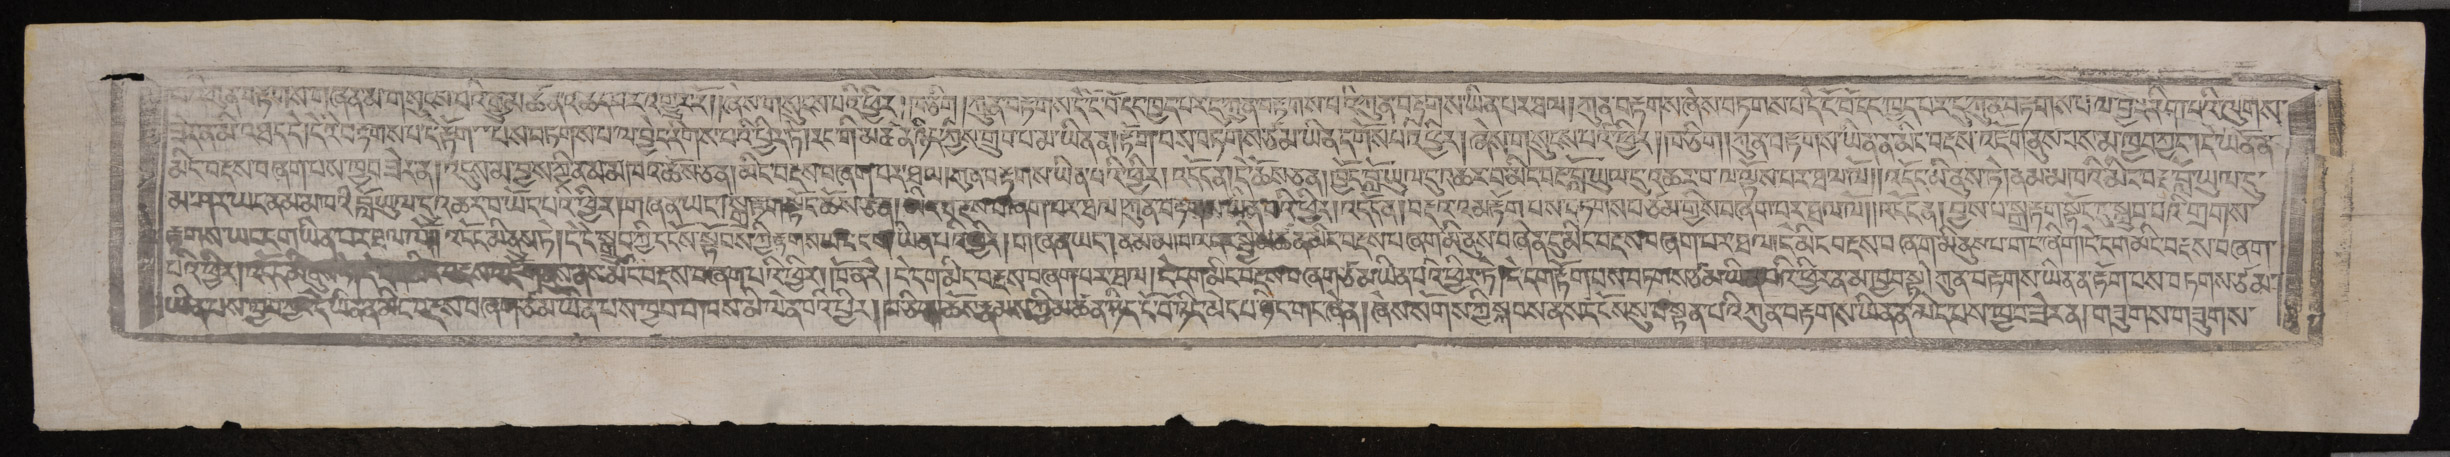པའི་ཀུན་བརྟགས་གཞན་མ་གསུངས་པའི་རྒྱུ་མཚན་འཆད་པར་འགྱུར་རོ། །ཞེས་གསུངས་པའི་ཕྱིར། ཁ་ཅིག །ཀུན་བརྟགས་དེ་ངོ་བོ་དང་ཁྱད་པར་དུ་ཀུན་བརྟགས་པའི་ཀུན་བརྟགས་ཡིན་པར་ཐལ། ཀུན་བརྟགས་ཞེས་བཏགས་པ་དེ་ངོ་བོ་དང་ཁྱད་པར་དུ་ཀུན་བརྟགས་པ་ལ་བྱེད་རིགས་པའི་ཕྱིར།
ཟེར་ན་མ་འཐད་དེ། དེའི་བཏགས་པ་དེ་རྟོག་པས་བཏགས་པ་ལ་བྱེད་རིགས་པའི་ཕྱིར་ཏེ། རང་གི་མཚན་ཉིད་ཀྱིས་གྲུབ་པ་མ་ཡིན་ན། རྟོག་པས་བཏགས་ཙམ་ཡིན་དགོས་པའི་ཕྱིར། ཞེས་གསུངས་པའི་ཕྱིར། ཁ་ཅིག །ཀུན་བརྟགས་ཡིན་ན་མིང་བརྡས་འཇོག་ནུས་པས་མ་ཁྱབ་ཀྱང་། དེ་ཡིན་ན་
མིང་བརྡས་བཞག་པས་ཁྱབ་ཟེར་ན། འདུས་མ་བྱས་ཀྱི་ནམ་མཁའ་ཆོས་ཅན། མིང་བརྡས་བཞག་པར་ཐལ། ཀུན་བརྟགས་ཡིན་པའི་ཕྱིར། འདོད་ན། དེ་ཆོས་ཅན། ཁྱོད་བློ་ཡུལ་དུ་འཆར་བ་མིད་བརྡ་བློ་ཡུལ་དུ་འཆར་བ་ལ་ལྟོས་པར་ཐལ་ལོ། །འདོད་མི་ནུས་ཏེ། ནམ་མཁའི་མིང་བརྡ་བློ་ཡུལ་དུ་
མ་ཤར་ཡང་ནམ་མཁའ་བློ་ཡུལ་དུ་འཆར་བ་ཡོད་པའི་ཕྱིར། གཞན་ཡང་། སྒྲ་རྟག་སྟོང་ཆོས་ཅན། མིང་བརྡས་བཞག་པར་ཐལ། ཀུན་བརྟགས་ཡིན་པའི་ཕྱིར། འདོད་ན། བརྡའ་འམ་རྟོག་པས་བཏགས་པ་ཙམ་གྱིས་བཞག་པར་ཐལ་ལོ། །འདོད་ན། བྱས་པ་སྒྲ་རྟག་སྟོང་དུ་སྒྲུབ་པའི་གྲགས་
རྟགས་ཡང་དག་ཡིན་པར་ཐལ་ལོ། །འདོད་མི་ནུས་ཏེ། དེ་དེ་སྒྲུབ་ཀྱི་དངོས་སྟོབས་ཀྱི་རྟགས་ཡང་དག་ཡིན་པའི་ཕྱིར། གཞན་ཡང་། ནམ་མཁའ་དང་སྤྱི་མཚན་མིང་བརྡས་བཞག་མི་ནུས་བཞིན་དུ་མིང་བརྡེས་བཞག་པར་ཐལ། དེ་མིང་བརྡས་བཞག་མི་ནུས་པ་གང་ཞིག། དེ་དག་མིང་བརྡས་བཞག་
པའི་ཕྱིར། འདོད་མི་ནུས་ཏེ། དེ་དག་མིང་བརྡས་འཇོག་ནུས་ནས་མིང་བརྡས་བཞག་པའི་ཕྱིར། ཁོ་ན་རེ། དེ་དག་མིང་བརྡས་བཞག་པར་ཐལ། དེ་དག་མིང་བརྡས་བཞག་ཙམ་ཡིན་པའི་ཕྱིར་ཏེ། དེ་དག་རྟོག་པས་བཏགས་ཙམ་ཡིན་པའི་ཕྱིར་ན་མ་ཁྱབ་སྟེ། ཀུན་བརྟགས་ཡིན་ན་རྟོག་པས་བཏགས་ཙམ་
ཡིན་པས་ཁྱབ་ཀྱང་དེ་ཡིན་ན་མིང་བརྡས་བཞག་ཙམ་བརྡས་བཞག་ཙམ་ཡིན་པས་ཁྱབ་པ་ཁས་མི་ལེན་པའི་ཕྱིར། ཁ་ཅིག། ཆོས་རྣམས་ཀྱི་མཚན་ཉིད་ངོ་བོ་ཉིད་མེད་པ་ཉིད་གང་ཞེ་ན། ཞེས་སོགས་ཀྱི་སྐབས་ནས་དངོས་སུ་བསྟན་པའི་ཀུན་བརྟགས་ཡིན་ན་མེད་པས་ཀྱབ་ཟེར་ན། གཟུགས་གཟུགས་